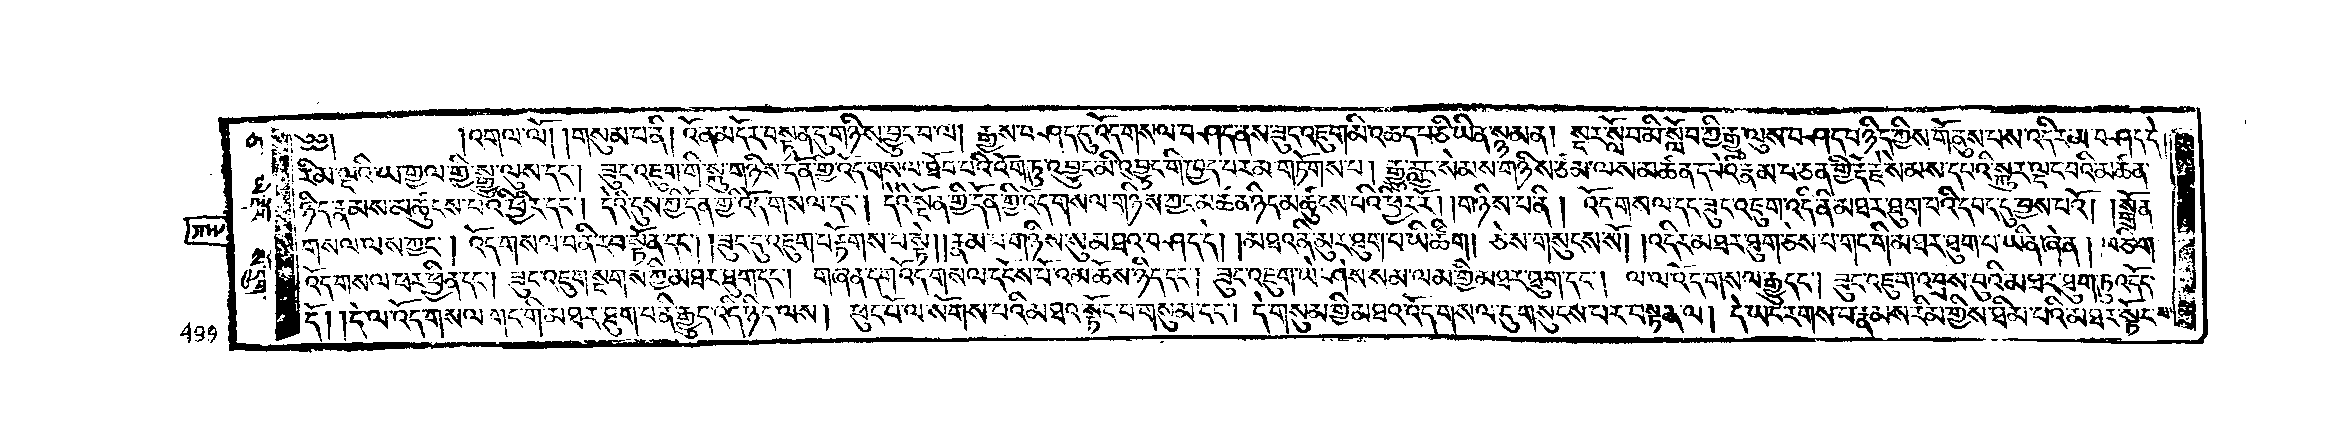༄༅། །འགལ་ལོ། །གསུམ་པ་ནི། འོ་ན་མདོར་བསྟན་དུ་གཉིས་བྱུང་བ་ལ། རྒྱས་བཤད་དུ་འོད་གསལ་བཤད་ནས་ཟུང་འཇུག་མི་འཆད་པ་ཅི་ཡིན་སྙམ་ན། སྔར་སློབ་མི་སློབ་ཀྱི་རྒྱུ་ལུས་བཤད་པ་ཉིད་ཀྱིས་གོ་ནུས་པས་འདིར་མ་བཤད་དེ།
རིམ་ལྔའི་ཡ་གྱལ་གྱི་སྒྱུ་ལུས་དང་། ཟུང་འཇུག་གི་སྐུ་གཉིས་དོན་གྱི་འོད་གསལ་ཐོབ་པའི་འོག་ཏུ་འབྱུང་མི་འབྱུང་གི་ཁྱད་པར་མ་གཏོགས་པ། རྒྱུ་རླུང་སེམས་གཉིས་ཙམ་ལས་མཚན་དཔེའི་རྣམ་པ་ཅན་གྱི་རྡོ་རྗེ་སེམས་དཔའི་སྐུར་ལྡང་བའི་མཚན་
ཉིད་རྣམས་མཚུངས་པའི་ཕྱིར་དང་། དེའི་དུས་ཀྱི་དོན་གྱི་འོད་གསལ་དང་། དེའི་སྔོན་གྱི་དོན་གྱི་འོད་གསལ་གཉིས་ཀྱང་མཚན་ཉིད་མཚུངས་པའི་ཕྱིར་རོ། །གཉིས་པ་ནི། འོད་གསལ་དང་ཟུང་འཇུག་འདི་ནི་མཐར་ཐུག་པའི་དབང་དུ་བྱས་པའོ། །སྒྲོན་
གསལ་ལས་ཀྱང་། འོད་གསལ་བ་ནི་རབ་སྟོན་དང་། །ཟུང་དུ་འཇུག་པ་རྟོགས་པ་སྟེ། །རྣམ་པ་གཉིས་སུ་མཐའ་བཤད་དེ། །མཐའ་ནི་མུར་ཐུག་པ་ཡི་ཚིག །ཅེས་གསུངས་སོ། །འདིར་མཐར་ཐུག་ཅེས་པ་གང་གི་མཐར་ཐུག་པ་ཡིན་ཞེ་ན། ཁ་ཅིག་
འོད་གསལ་ཕར་ཕྱིན་དང་། ཟུང་འཇུག་སྔགས་ཀྱི་མཐར་ཐུག་དང་། གཞན་དག་འོད་གསལ་དངོས་པོ་འམ་ཆོས་ཉིད་དང་། ཟུང་འཇུག་ཡེ་ཤེས་སམ་ལམ་གྱི་མཐར་ཐུག་དང་། ལ་ལ་འོད་གསལ་རྒྱུ་དང་། ཟུང་འཇུག་འབྲས་བུའི་མཐར་ཐུག་ཏུ་འདོད་
དོ། །དེ་ལ་འོད་གསལ་གང་གི་མཐར་ཐུག་པ་ནི་རྒྱུད་འདི་ཉིད་ལས། ཕུང་པོ་ལ་སོགས་པའི་མཐའ་སྟོང་པ་གསུམ་དང་། དེ་གསུམ་གྱི་མཐའ་འོད་གསལ་དུ་གསུངས་པར་བསྟན་ལ། དེ་ཡང་རགས་པ་རྣམས་རིམ་གྱིས་ཐིམ་པའི་མཐར་སྟོང་པ་